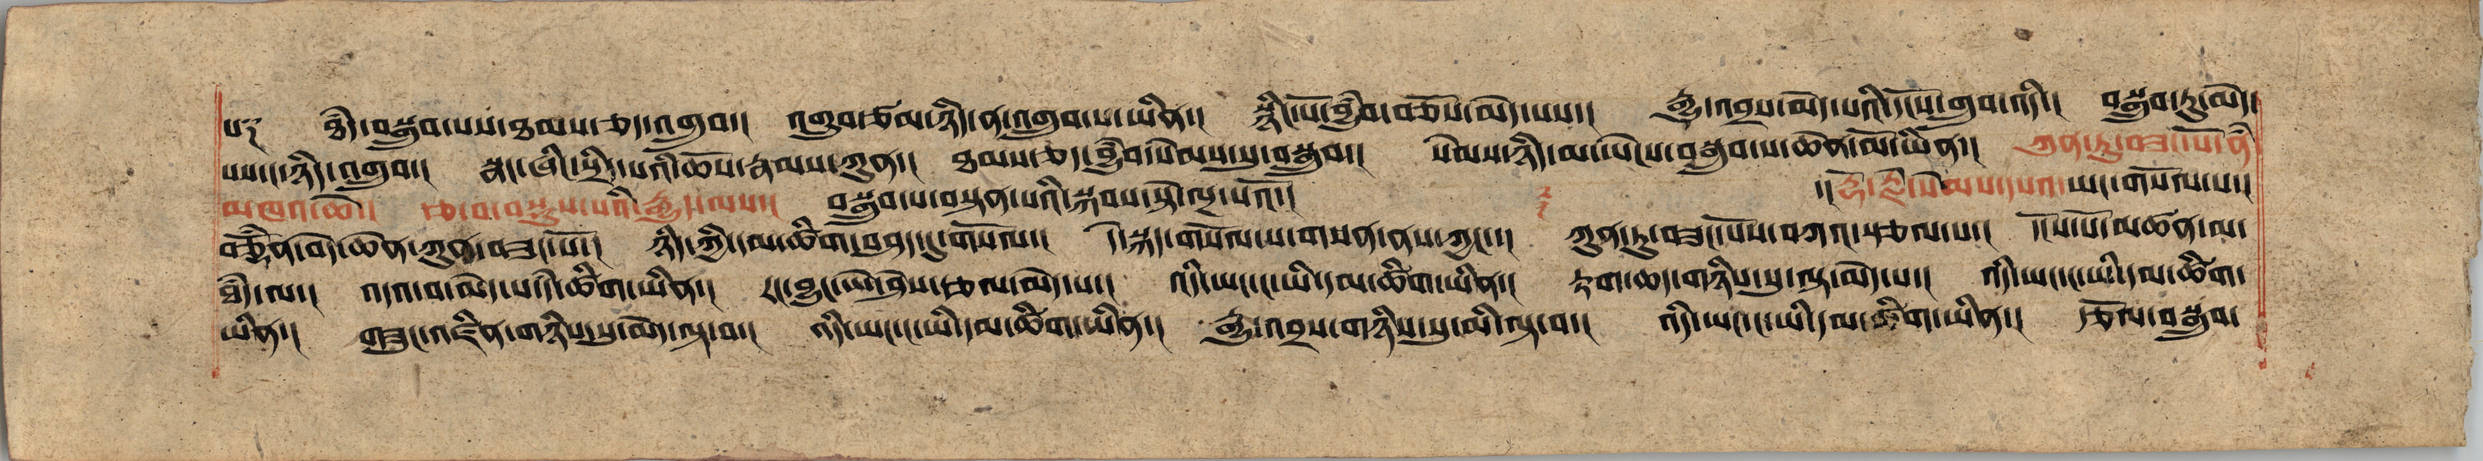པ༑ ཐཾད་བསྒྲུབ་པས་ཐམས་ཅད་འགྲུབ་། འགྲུབ་ཙམ་ཉིད་ན་འགྲུབ་པ་ཡིན་། སྙིང་པོ་བྱུཾབ་བཅོས་མེད་པས་། རྒྱུ་འབྲས་མེད་པའི་དངོས་གྲུབ་འདི་། བསྒྲུབ་ཏུ་མེད་
པས་ང་ཉིད་འགྲུབ་། སྣང་ཞིང་སྲིད་པའི་ཆོས་རྣམས་ཀུན་། ཐམས་ཅད་བྱུཾབ་སེམས་སུ་བསྒྲུབ་། སེམས་ཉིད་མ་ཡེངས་བསྒྲུབ་པ་ཆེན་མོ་ཡིན་། ཀུན་ཏུ་བཟང་པོ་ནཾ་
མཁའ་ཆེ་། རྩ་བ་བསྡུས་པའི་རྒྱུད་ལས་། བསྒྲུབ་པ་བསྟན་པའི་སྐབས་སྟེ་ལྔ་པའོ་། ༈ ་།རྡོ་རྗེ་སེམས་དཔའ་ཡང་གསོལ་པ་།
བཅྡོཾན་བདེ་ཆེན་ཀུན་བཟང་པོ་། ཉིད་ཀྱི་དམ་ཚིག་བཤད་དུ་གསོལ་། དེ་སྐད་གསོལ་པ་གསན་ནས་ཀྱང་་། ཀུན་ཏུ་བཟང་པོས་བཀའ་སྩལ་པ་། དངོས་པོ་མཚན་མ་
ཐཾད་ལ་། འདའ་བ་མེད་པ་དཾ་ཚིག་ཡིན་། རང་བྱུང་ཡེ་ཤེས་རྩལ་མེད་པ་། འདི་ཡང་ང་ཡི་དམ་ཚིག་ཡིན་། རྟག་ཆད་གཉིས་སུ་ལྟ་མེད་པ་། འདི་ཡང་ང་ཡི་དམ་ཚིག་
ཡིན་། གཟུང་འཛིན་གཉིས་སུ་མེད་ལྟ་བ་། འདི་ཡང་ང་ཡི་དམ་ཚིག་ཡིན་། རྒྱུ་འབྲས་གཉིས་སུ་མི་ལྟ་བ་། འདི་ཡང་ང་ཡི་དམ་ཚིག་ཡིན་། རྩོལ་བསྒྲུབ་